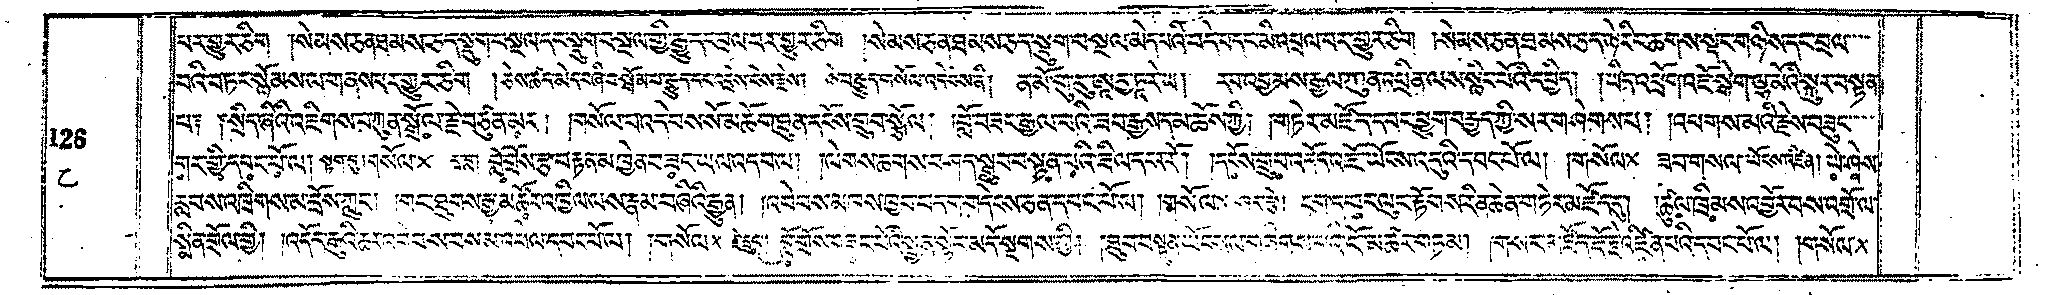པར་གྱུར་ཅིག །སེམས་ཅན་ཐམས་ཅད་སྡུག་བསྔལ་དང་སྡུག་བསྔལ་གྱི་རྒྱུ་དང་བྲལ་བར་གྱུར་ཅིག །སེམས་ཅན་ཐམས་ཅད་སྡུག་བསྔལ་མེད་པའི་བདེ་བ་དང་མི་འབྲལ་བར་གྱུར་ཅིག །སེམས་ཅན་ཐམས་ཅད་ཉེ་རིང་ཆགས་སྡང་གཉིས་དང་བྲལ་་་
བའི་བཏང་སྙོམས་ལ་གནས་པར་གྱུར་ཅིག་།ཅེས་ཚད་མེད་བཞི་བསྒོམ་པ་རྒྱུད་དང་འདྲེས་ངེས་རྗེས། ཉེ་བརྒྱུད་གསོལ་འདེབས་ནི།  ན་མོ་གུ་རུ་ཨཱ་རྱ་ཏཱ་རེ་ཡ། རབ་འབྱམས་རྒྱལ་ཀུན་འཕྲིན་ལས་སྙིང་པོའི་དཔྱིད། །ཡིད་འཕྲོག་འཇོ་སྒེག་ལྷ་མོའི་སྐུར་བསྟན་
པ༑ ༑སྲིད་ཞིའི་འཇིགས་པ་ཀུན་སྒྲོལ྾་རྗེ་བཙུན་མར྾། །གསོལ་བ་འདེབས་སོ་མཆོག་ཐུན་དངོས་གྲུབ་སྩོལ། །བློ་བཟང་རྒྱལ་བའི་ཟབ་རྒྱས་དམ་ཆོས་ཀྱི། །གཏེར་མཛོད་དབང་ཕྱུག་བརྒྱད་ཀྱི་སར་གཤེགས་པ། །འཕགས་མའི་རྗེས་བཟུང་་་
གར྾་གྱི྾་དབང྾་པོ྾་ལ། སྟག་ཕུ།  གསོལ་྾་རྭ་བླ།  བློ྾་གྲོས་རྩ་བརྟན་མཁྱེན་བཟང྾་ཡལ་འདབ་ལ། །ལེགས་ཆགས་བཤད་སྒྲུབ་བསྟན྾་བའི྾་ཟེལ་དངར་རོ། །དངོས྾་གྲུབ྾་འདོད་འཇོ་ཡོངས་འདུའི་དབང་པོ་ལ། །གསོལ་྾་ཟབ་གསལ་ཡོངས་འཛིན། ཡེ྾་ཤེས྾་
རླབས་འཁྲིགས་མ་དྲོས་ཀླུང་། །གང་ཐུགས་རྒྱ྾་མཚོར྾་འཁྱིལ་ལས་རྣམ་བཞིའི་རྒྱུན། །འབེབས་མཁས་ཁྱབ་བདག་གདེངས་ཅན་དབང་པོ་ལ། །གསོལ་྾་ཤར་རྩེ།  ངག྾་དབང྾་ལུང་རྟོགས་རིན་ཆེན་གཏེར་མཛོད་དུ། །ཚུལ྾་ཁྲིམས྾་འབྱོར་བས་འགྲོ་ལ་
སྨིན་གྲོལ་གྱི། །འདོད་རྒུའི་ཆར་འབེབས་བསམ་འཕེལ་དབང་པོ་ལ། །གསོལ་྾་རྗེ་དྲུང་།  བློ་གྲོས྾་བཟང྾་པོའི་སྤྱན་སྟོང་མདོ་སྔགས་ཀྱི། །ཐུབ་བསྟན་ཡོངས་ལ་གཟིགས་པའི་ངོ་མཚར་གཏམ། །གསང་མཛོད་རྡོ་རྗེ་འཛིན྾་པའི་དབང་པོ་ལ། །གསོལ་྾་